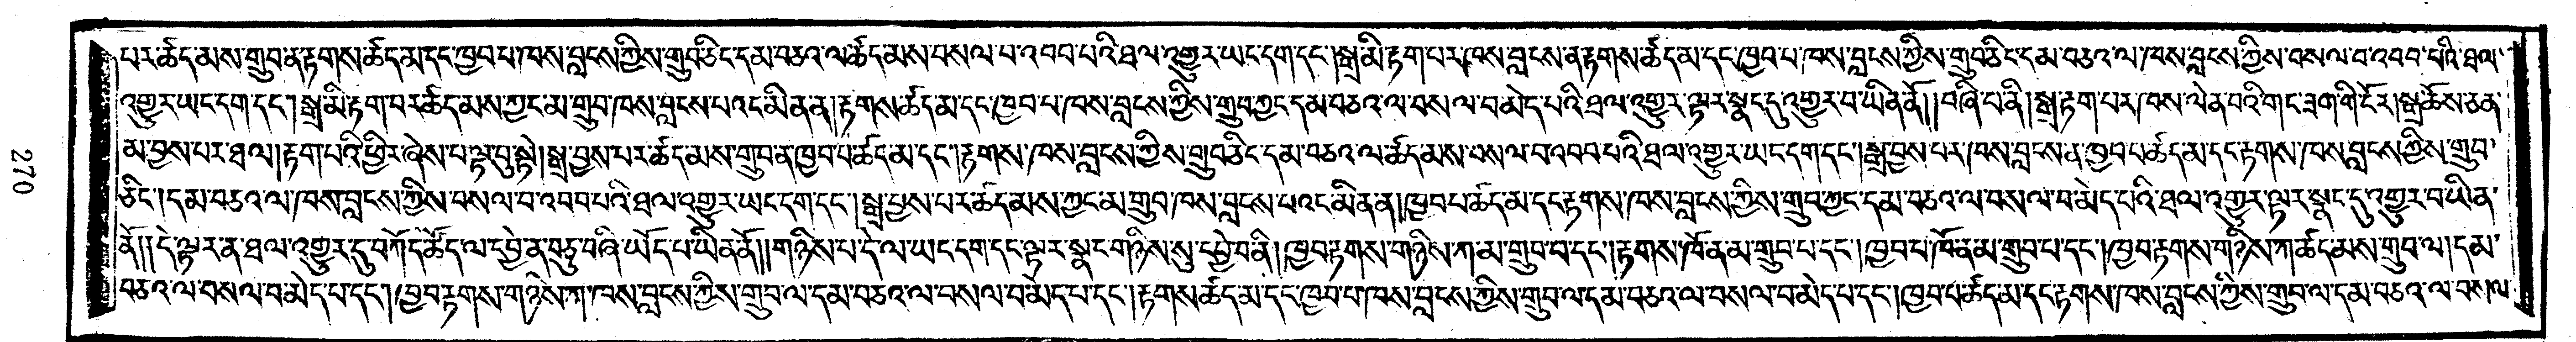པར་ཚད་མས་གྲུབ་ན་རྟགས་ཚད་མ་དང་ཁྱབ་པ་ཁས་བླངས་ཀྱིས་གྲུབ་ཅིང་དམ་བཅའ་ལ་ཚད་མས་བསལ་བ་འབབ་པའི་ཐལ་འགྱུར་ཡང་དག་དང་། སྒྲ་མི་རྟག་པར་ཁས་བླངས་ན་རྟགས་ཚད་མ་དང་ཁྱབ་པ་ཁས་བླངས་ཀྱིས་གྲུབ་ཅིང་དམ་བཅའ་ལ་ཁས་བླངས་ཀྱིས་བསལ་བ་འབབ་པའི་ཐལ་
འགྱུར་ཡང་དག་དང་། སྒྲ་མི་རྟག་པར་ཚད་མས་ཀྱང་མ་གྲུབ་ཁས་བླངས་པའང་མིན་ན། རྟགས་ཚད་མ་དང་ཁྱབ་པ་ཁས་བླངས་ཀྱིས་གྲུབ་ཀྱང་དམ་བཅའ་ལ་བསལ་བ་མེད་པའི་ཐལ་འགྱུར་ལྟར་སྣང་དུ་འགྱུར་བ་ཡིན་ནོ། །བཞི་པ་ནི། སྒྲ་རྟག་པར་ཁས་ལེན་པའི་གང་ཟག་གི་ངོར། སྒྲ་ཆོས་ཅན་
མ་བྱས་པར་ཐལ། རྟག་པའི་ཕྱིར་ཞེས་པ་ལྟ་བུ་སྟེ། སྒྲ་བྱས་པར་ཚད་མས་གྲུབ་ན་ཁྱབ་པ་ཚད་མ་དང་། རྟགས་ཁས་བླངས་ཀྱིས་གྲུབ་ཅིང་དམ་བཅའ་ལ་ཚད་མས་བསལ་བ་འབབ་པའི་ཐལ་འགྱུར་ཡང་དག་དང་། སྒྲ་བྱས་པར་ཁས་བླངས་ན་ཁྱབ་པ་ཚད་མ་དང་རྟགས་ཁས་བླངས་ཀྱིས་གྲུབ་
ཅིང་། དམ་བཅའ་ལ་ཁས་བླངས་ཀྱིས་བསལ་བ་འབབ་པའི་ཐལ་འགྱུར་ཡང་དག་དང་། སྒྲ་བྱས་པར་ཚད་མས་ཀྱང་མ་གྲུབ་ཁས་བླངས་པའང་མིན་ན། ཁྱབ་པ་ཚད་མ་དང་རྟགས་ཁས་བླངས་ཀྱིས་གྲུབ་ཀྱང་དམ་བཅའ་ལ་བསལ་བ་མེད་པའི་ཐལ་འགྱུར་ལྟར་སྣང་དུ་འགྱུར་བ་ཡིན་
ནོ༑ ༑དེ་ལྟར་ན་ཐལ་འགྱུར་དུ་བཀོད་ཚོད་ལ་དབྱེ་ན་བཅུ་བཞི་ཡོད་པ་ཡིན་ནོ། །གཉིས་པ་དེ་ལ་ཡང་དག་དང་ལྟར་སྣང་གཉིས་སུ་དབྱེ་བ་ནི། ཁྱབ་རྟགས་གཉིས་ཀ་མ་གྲུབ་པ་དང་། རྟགས་ཁོ་ན་མ་གྲུབ་པ་དང་། ཁྱབ་པ་ཁོ་ན་མ་གྲུབ་པ་དང་། ཁྱབ་རྟགས་གཉིས་ཀ་ཚད་མས་གྲུབ་ལ། དམ་
བཅའ་ལ་བསལ་བ་མེད་པ་དང་། ཁྱབ་རྟགས་གཉིས་ཀ་ཁས་བླངས་ཀྱིས་གྲུབ་ལ་དམ་བཅའ་ལ་བསལ་བ་མེད་པ་དང་། རྟགས་ཚད་མ་དང་ཁྱབ་པ་ཁས་བླངས་ཀྱིས་གྲུབ་ལ་དམ་བཅའ་ལ་བསལ་བ་མེད་པ་དང་། ཁྱབ་པ་ཚད་མ་དང་རྟགས་ཁས་བླངས་ཀྱིས་གྲུབ་ལ་དམ་བཅའ་ལ་བསལ་